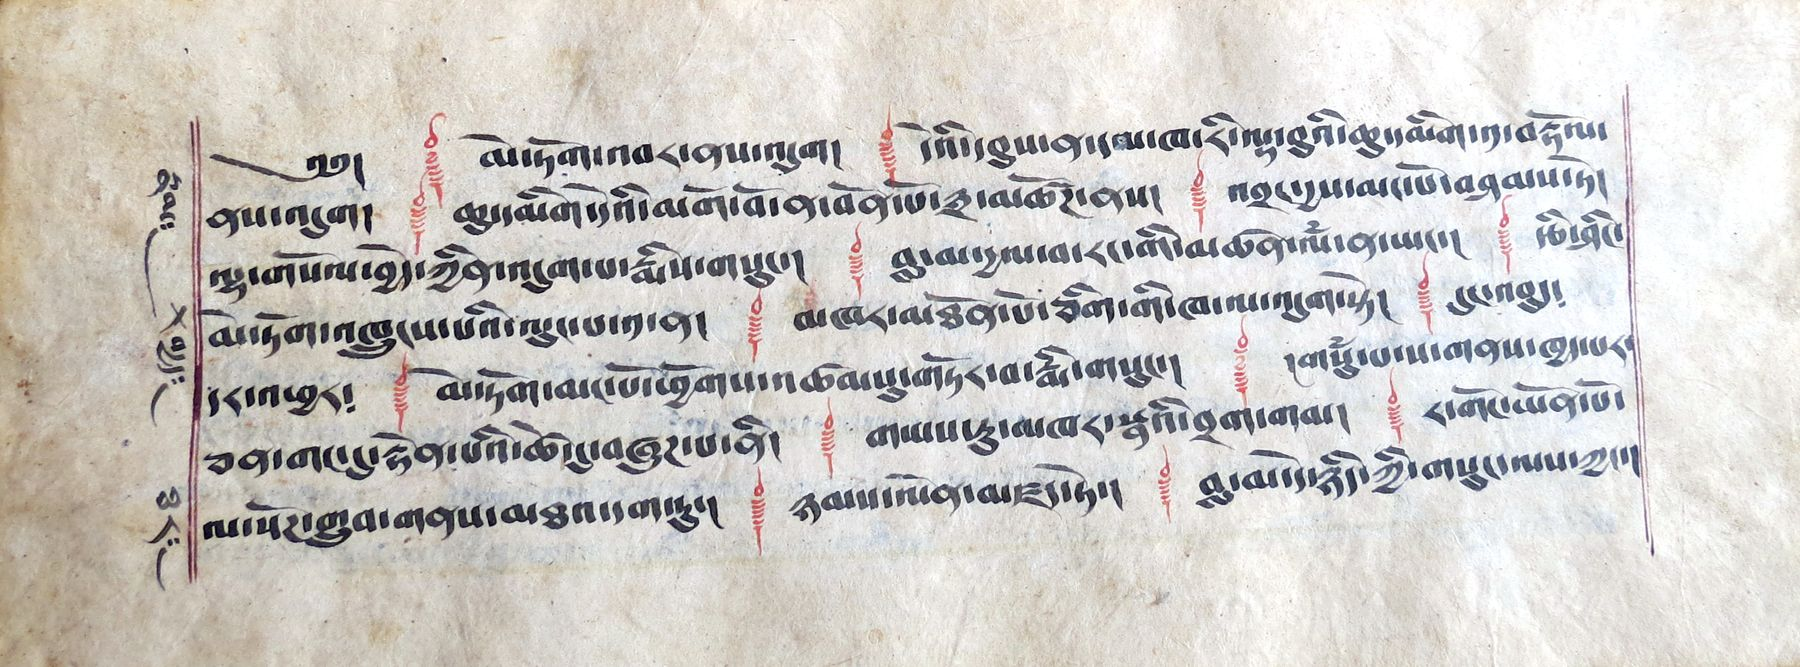མེ་ཏོག་འབར་ནས་འདུག དེའི་དབུས་ན་དམ་ཁ་རི་ལྟ་བུའི་ཆུ་མིག་ཅིག་བརྡོལ་
ནས་འདུག ཆུ་མིག་དེའི་འགོ་བོ་ན། བོན་པོ་གསུམ་འཚོགས་ནས། འབྲང་རྒྱས་མང་པོ་བཤམས་ཏེ། 
ལྷ་གསོལ་བྱེད་ཀྱིན་འདུག་པ་རྨིས་གསུངས། བླ་མ་རྒྱལ་བ་རང་གི་མཚན་ལམ་ལ་ཡང་། རྩི་ཤིང་
མེ་ཏོག་འཁྲུངས་པའི་ལུང་པ་ཞིག་ན། མཁར་མཐོན་པོ་ཞིག་གི་ཁ་ལ་འདུག་སྟེ། དུང་བུས་
དར་ཕྱར་མེ་ཏོག་མང་པོ་ཕྱོགས་མཚམས་སུ་གཏོར་བ་རྨིས་གསུངས། གསུམ་པ་ས་གནས་ཁྱད་པར་
ཅན་གང་དུ་བརྟེན་པའི་ཚེ་དུ་བཞུགས་པ་ནི། གཡས་རུ་མཁར་སྣའི་བྲག་གམ། ར་གོང་ཡོན་པོ་
ལས་སོགས་གྲུབ་གནས་ཐ་དག་ཏུ་ཉམས་ལེན་མཛད་དེ། བླ་མ་དེ་ཉིད་ཀྱིས་གསུངས་ལས་ཀྱང་།